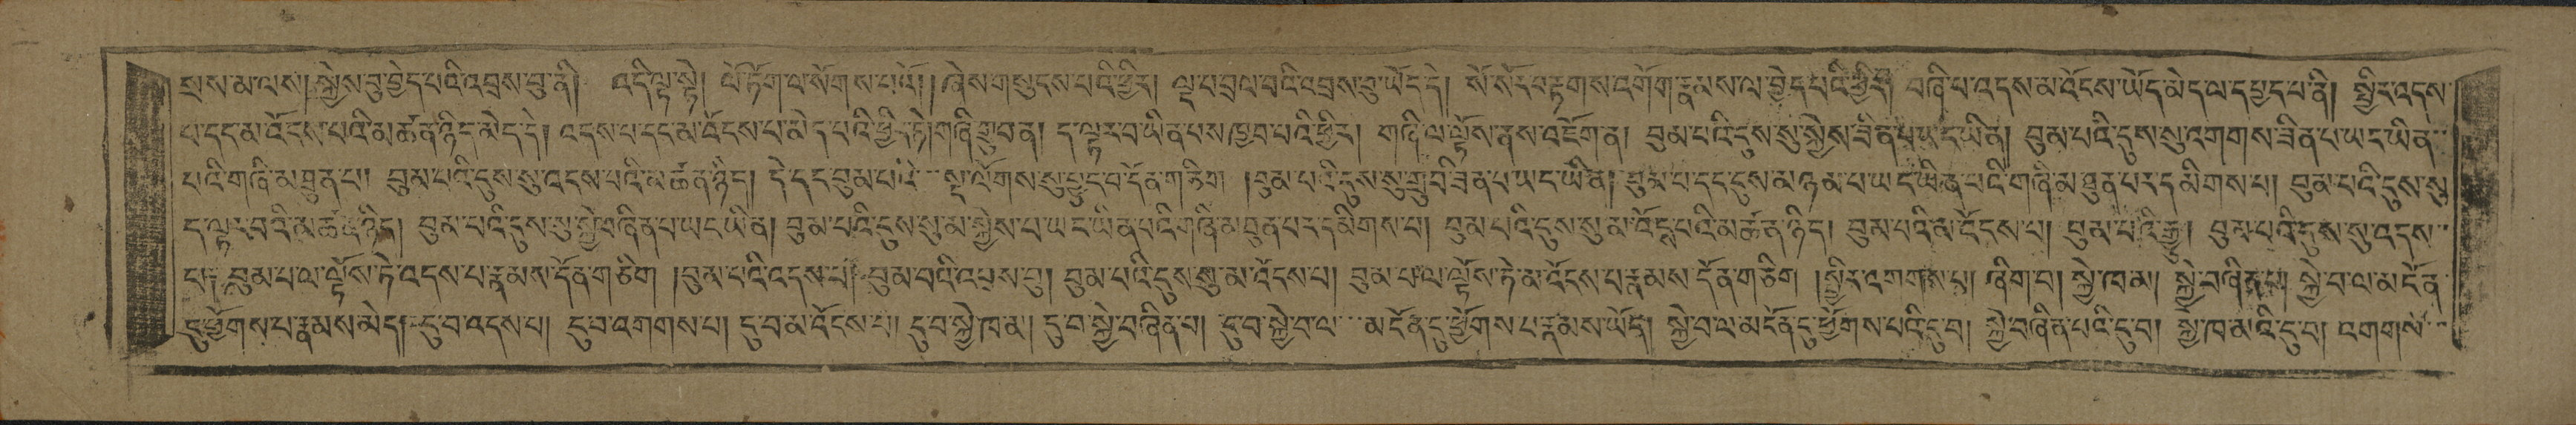སྲས་མ་ལས། སྐྱེས་བུ་བྱེད་པའི་འབྲས་བུ་ནི། འདི་ལྟ་སྟེ། ལོ་ཏོག་ལ་སོགས་པའོ། ཞེས་གསུངས་པའི་ཕྱིར། ལྔ་པ་བྲལ་བའི་འབྲས་བུ་ཡོད་དེ། སོ་སོར་བརྟགས་འགོག་རྣམས་ལ་བྱེད་པའི་ཕྱིར། བཞི་པ་འདས་མ་འོང་ཡོད་མེད་ལ་དཔྱད་པ་ནི། སྤྱིར་འདས་
པ་དང་མ་འོངས་པའི་མཚན་ཉིད་མེད་དེ། འདས་པ་དང་མ་འོངས་པ་མེད་པའི་ཕྱིར་ཏེ། གཞི་གྲུབ་ན། ད་ལྟར་བ་ཡིན་པས་ཁྱབ་པའི་ཕྱིར། གཞི་ལ་ལྟོས་ནས་འཇོག་ན། བུམ་པའི་དུས་སུ་སྐྱེས་ཟིན་པ་ཡང་ཡིན། བུམ་པའི་དུས་སུ་འགགས་ཟིན་པ་ཡང་ཡིན་
པའི་གཞི་མཐུན་པ། བུམ་པའི་དུས་སུ་འདས་པའི་མཚན་ཉིད། དེ་དང་བུམ་པའི་སྔ་ལོགས་སུ་བྱུང་བ་དོན་གཅིག །བུམ་པའི་དུས་སུ་གྲུབ་ཟིན་པ་ཡང་ཡིན། བུམ་པ་དང་དུས་མཉམ་པ་ཡང་ཡིན་པའི་གཞི་མ་ཐུན་པར་དམིགས་པ། བུམ་པའི་དུས་སུ་
ད་ལྟར་བའི་མཚན་ཉིད། བུམ་པའི་དུས་སུ་སྐྱེ་བཞིན་པ་ཡང་ཡིན། བུམ་པའི་དུས་སུ་མ་སྐྱེས་པ་ཡང་ཡིན་པའི་གཞི་མཐུན་པར་དམིགས་པ། བུམ་པའི་དུས་སུ་མ་འོངས་པའི་མཚན་ཉིད། བུམ་པའི་མ་འོངས་པ། བུམ་པའི་རྒྱུ། བུམ་པའི་དུས་སུ་འདས་
པ༑ བུམ་པ་ལ་ལྟོས་ཏེ་འདས་པ་རྣམས་དོན་གཅིག །བུམ་པའི་འདས་པ། བུམ་པའི་འབྲས་བུ། བུམ་པའི་དུས་སུ་མ་འོངས་པ། བུམ་པ་ལ་ལྟོས་ཏེ་མ་འོངས་པ་རྣམས་དོན་གཅིག ། སྤྱིར་འགགས་པ། ཞིག་པ། སྐྱེ་ཁ་མ། སྐྱེ་བཞིན་པ། སྐྱེ་བ་ལ་མངོན་
དུ་ཕྱོགས་པ་རྣམས་མེད།དུ་བ་འདས་པ། དུ་བ་འགགས་པ། དུ་བ་མ་འོངས་པ། དུ་བ་སྐྱེ་ཁ་མ། དུ་བ་སྐྱེ་བཞིན་པ། དུ་བ་སྐྱེ་བ་ལ་མངོན་དུ་ཕྱོགས་པ་རྣམས་ཡོད། སྐྱེ་བ་ལ་མངོན་དུ་ཕྱོགས་པའི་དུ་བ། སྐྱེ་བཞིན་པའི་དུ་བ། སྐྱེ་ཁ་མའི་དུ་བ། འགགས་